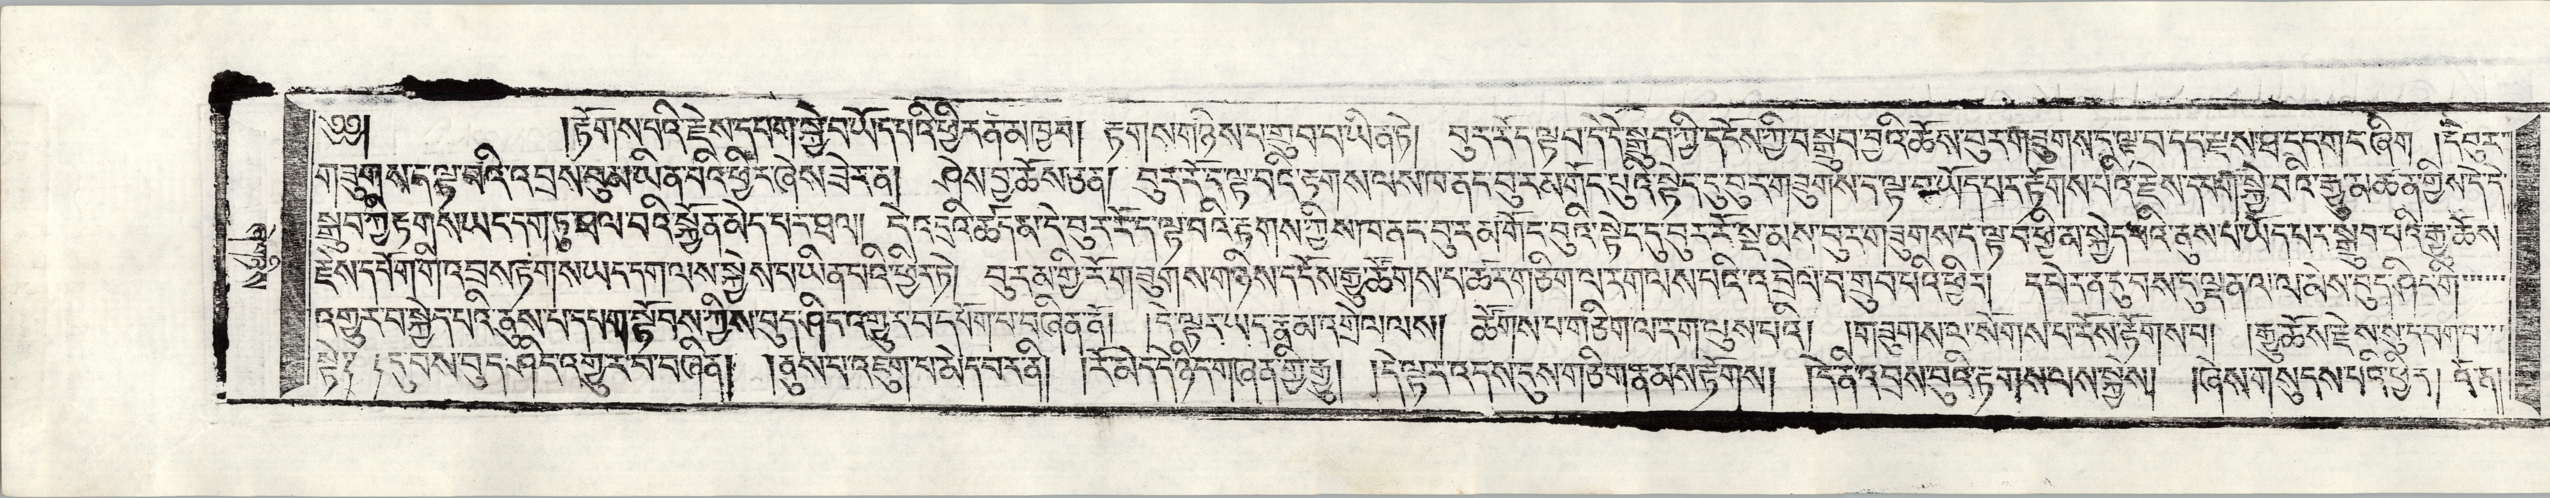༄༅། །རྟོགས་པའི་རྗེས་དཔག་སྐྱེ་བ་ཡོད་པའི་ཕྱིར་ན་མ་ཁྱབ། རྟགས་གཉིས་པ་གྲུབ་པ་ཡིན་ཏེ། བུར་རོ་ད་ལྟ་བ་དེ་དེ་སྒྲུབ་ཀྱི་དངོས་ཀྱི་བསྒྲུབ་བྱའི་ཆོས་བུར་གཟུགས་ད་ལྟ་བ་དང་རྫས་ཐ་དད་གང་ཞིག །དེ་བུར་
གཟུགས་ད་ལྟ་བའི་འབྲས་བུ་མ་ཡིན་པའི་ཕྱིར་ཞེས་ཟེར་ན། ཤེས་བྱ་ཆོས་ཅན། བུར་རོ་ད་ལྟ་བའི་རྟགས་ལས་ཁ་ནང་བུ་རམ་གོང་བུའི་སྟེང་དུ་བུར་གཟུགས་ད་ལྟ་བ་ཡོད་པར་རྟོགས་པའི་རྗེས་དཔག་སྐྱེ་བའི་རྒྱུ་མཚན་གྱིས་དེ་དེ་
སྒྲུབ་ཀྱི་རྟགས་ཡང་དག་ཏུ་ཐལ་བའི་སྐྱོན་མེད་པར་ཐལ། དེ་འདྲའི་ཚད་མ་དེ་བུར་རོ་ད་ལྟ་བའི་རྟགས་ཀྱིས་ཁ་ནང་བུ་རམ་གོང་བུའི་སྟེང་དུ་བུར་རོ་སྔ་མས་བུར་གཟུགས་ད་ལྟ་བ་ཕྱི་མ་སྐྱེད་པའི་ནུས་པ་ཡོད་པར་སྒྲུབ་པའི་རྒྱུ་ཆོས་
རྗེས་དཔོག་གི་འབྲས་རྟགས་ཡང་དག་ལས་སྐྱེས་པ་ཡིན་པའི་ཕྱིར་ཏེ། བུ་རམ་གྱི་རོ་གཟུགས་གཉིས་དངོས་རྒྱུ་ཚོགས་པ་ཚར་གཅིག་ལ་རག་ལས་པའི་འབྲེལ་བ་གྲུབ་པའི་ཕྱིར། དཔེར་ན་དུ་བས་དུ་ལྡན་ལ་ལ་མེས་བུད་ཤིང་གི་
འགྱུར་བ་སྐྱེད་པའི་ནུས་པ་དཔག་སྟོབས་ཀྱིས་བུད་ཤིང་འགྱུར་བ་དཔོག་པ་བཞིན་ནོ། །དེ་ལྟར་ཡང་རྣམ་འགྲེལ་ལས། ཚོགས་པ་གཅིག་ལ་རག་ལས་པའི། །གཟུགས་ལ་སོགས་པ་རོས་རྟོགས་པ། །རྒྱུ་ཆོས་རྗེས་སུ་དཔག་པ་
སྟེ། །དུ་བས་བུད་ཤིང་འགྱུར་བ་བཞིན། །ནུས་པ་འཇུག་པ་མེད་པར་ནི། །རོ་མེད་དེ་ཉིད་གཞན་གྱི་རྒྱུ། །དེ་ལྟར་འདས་དུས་གཅིག་རྣམས་རྟོགས། །དེ་ནི་འབྲས་བུའི་རྟགས་ལས་སྐྱེས། །ཞེས་གསུངས་པའི་ཕྱིར། འོ་ན།